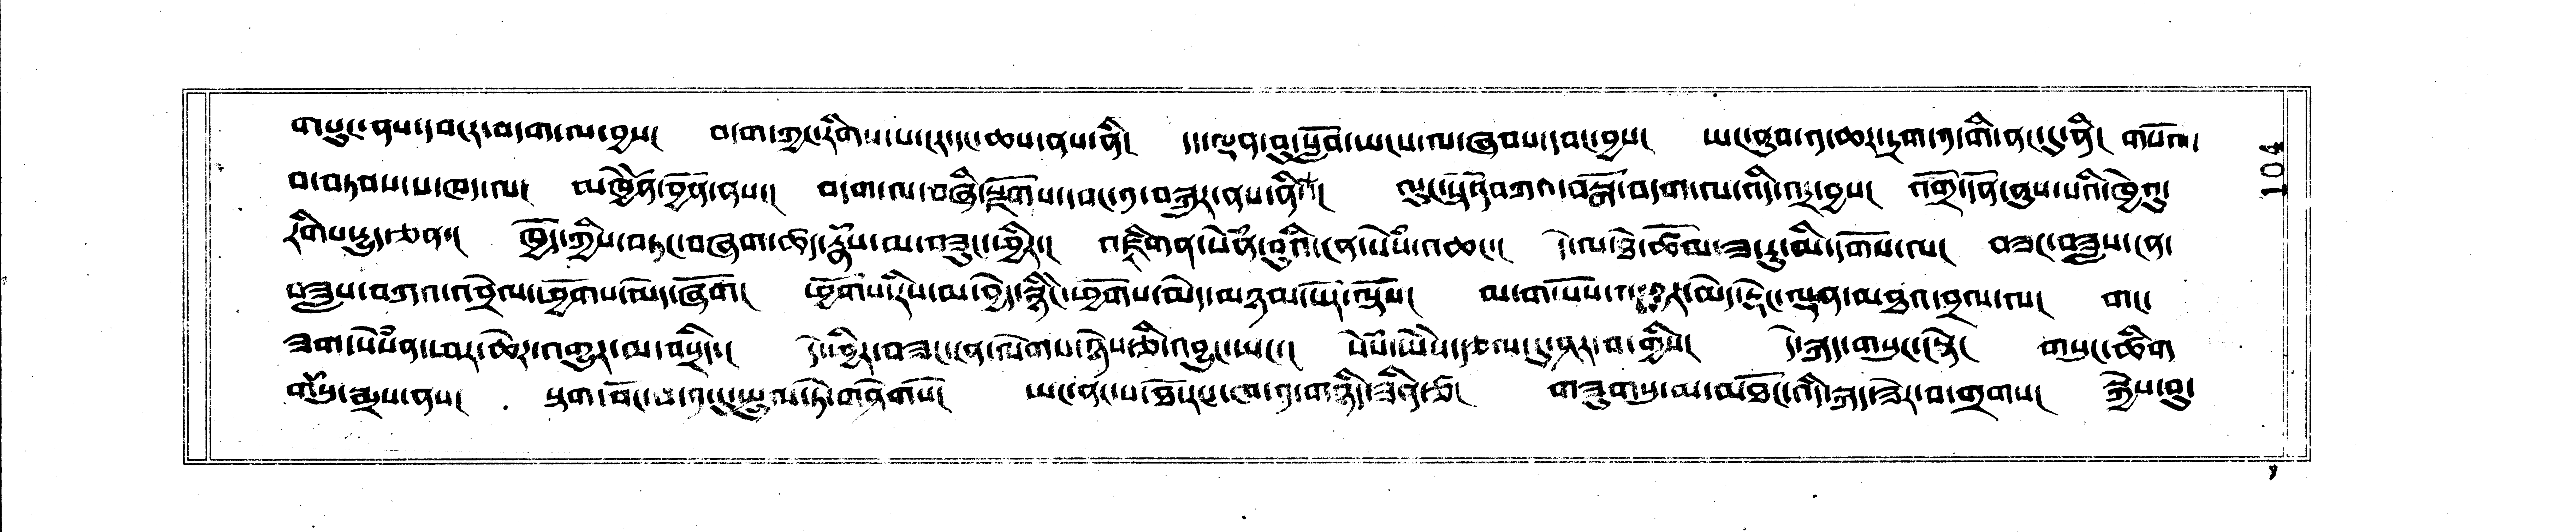གསུང་ནས་དབང་བསྐུར་བདག་ལ་བྱས། བདག་ཀྱང་རིགས་པ་ངར་དང་ཆས་ནས་ནི། དད་ལྡན་བུ་སློབ་ཡོངས་ལ་ཞབས་དབང་བྱས། ཡང་ནུབ་གཅིག་ཆར་དྲག་གཅིག་གི་ནང་དུ་ནི། གསོལ་
བ་བཏབ་པ་ཁད་ལ། མཁྱེན་བརྩེ་བྱོན་ནས། བདག་ལ་བཞི་རྫོགས་དབང་གཅིག་བསྐུར་ནས་ནི། ལུང་སྟོན་བཀའ་བསྒོ་བདག་ལ་འདི་འདྲ་བྱས། འགྲོ་དོན་ནུས་པའི་ཁྱེའུ་
རིགས་རྒྱུད་ཅན། ཁྱོད་ཀྱིས་བཏང་བཞག་ཚད་རྣམས་མ་བཟུང་ཕྱིར། འཇིག་རྟེན་སེམས་ཅན་བུའི་ངན་སེམས་འཆང་། དེ་ལ་ཐེ་ཚོམ་ཟ་རུ་མི་དགོས་ལ། བཟང་བཟླས་ངན་
བཟླས་བཀའ་འབྲེལ་ཕྱོགས་མེད་ཞོག ཕྱོགས་རིས་མ་བྱེད་སྙིང་རྗེ་ཕྱོགས་མེད་མཉམ་པོར་ལྟོས། མ་གཡོས་འགྱུར་མེད་རྡེང་ལྡན་མཐའ་བྲལ་ལ། གང་
ཟག་སེམས་ཅན་ཕར་ཆེར་འགྱུར་མ་བསྲིད། དེ་ཕྱིར་བཟང་ངན་ལེགས་ཉེས་ཅི་འབྱུང་ཡང་། སེམས་ཡེ་ཤེས་རྩལ་དུ་ཤར་བ་གྱིས། དེ་སྐད་གསུངས་ཏེ། གསུང་ཚིག་
གསུམ་སྨྲས་ནས། སྟག་བོང་བ་གཅིག་ཏུ་སྤྲུལ་ཏེ་གཤེགས་སོ། ཡང་ནང་པ་ཐོ་རང་ཁ་གཅིག་གཉིད་ཟིན་ཙ། གཟུགས་སུ་མ་མཐོང་འདི་སྐད་ཟེར་བ་གྲགས། སྐྱེས་བུ་